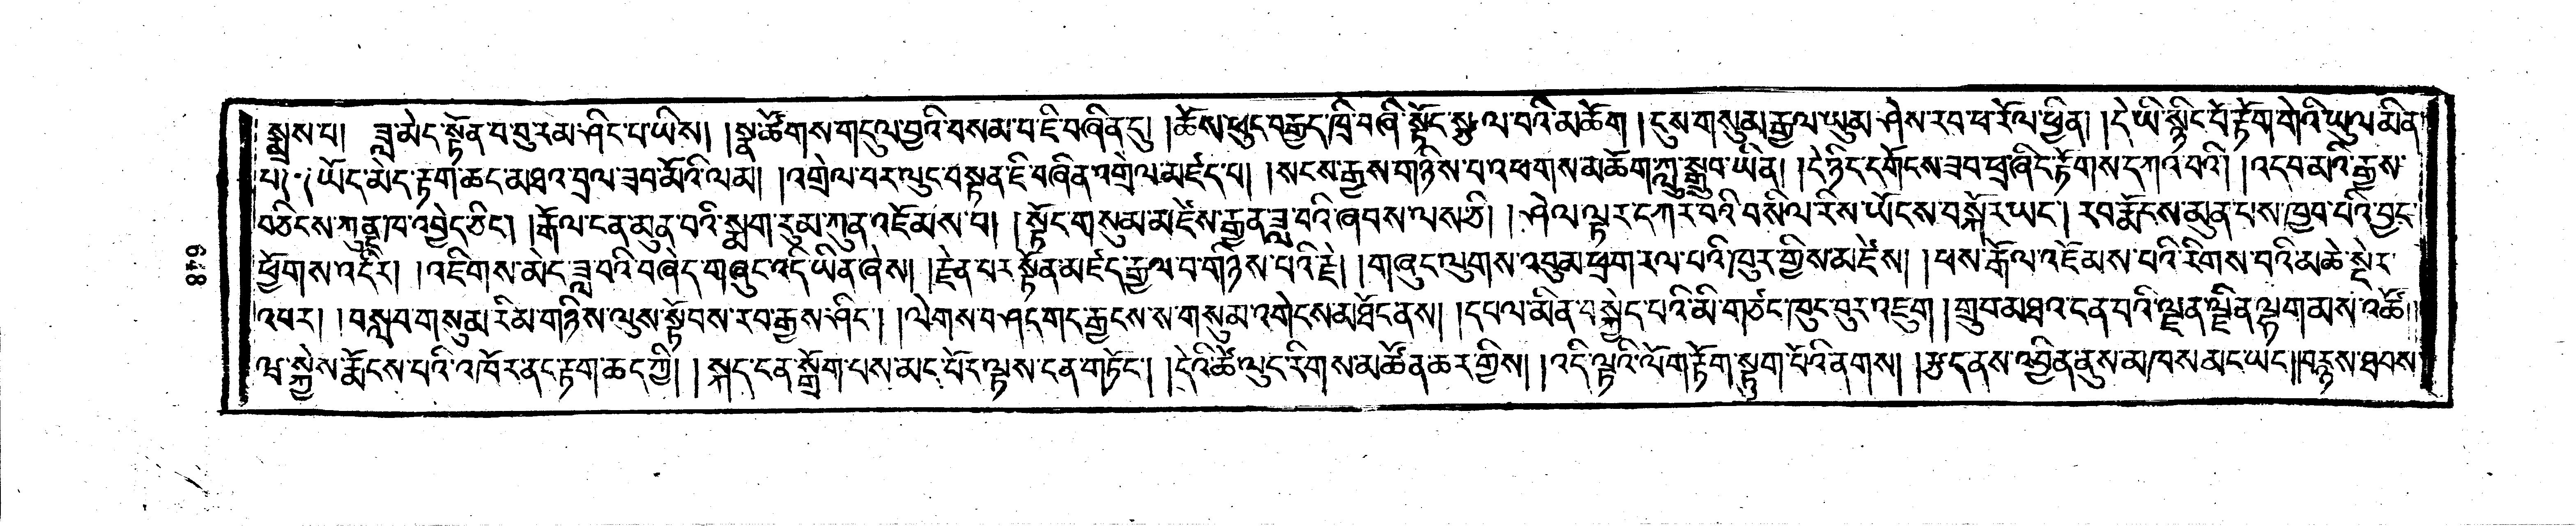སྨྲས་པ། ཟླ་མེད་སྟོན་པ་བུ་རམ་ཤིང་པ་ཡིས། །སྣ་ཚོགས་གདུལ་བྱའི་བསམ་པ་ཇི་བཞིན་དུ། །ཆོས་ཕུང་བརྒྱད་ཁྲི་བཞི་སྟོང་སྩལ་བའི་མཆོག །དུས་གསུམ་རྒྱལ་ཡུམ་ཤེས་རབ་ཕ་རོལ་ཕྱིན། །དེ་ཡི་སྙིང་པོ་རྟོག་གེའི་ཡུལ་མིན་
པ༑ ༑ཡོད་མེད་རྟག་ཆད་མཐའ་བྲལ་ཟབ་མོའི་ལམ། །འགྲེལ་པར་ལུང་བསྟན་ཇི་བཞིན་འགྲེལ་མཛད་པ། །སངས་རྒྱས་གཉིས་པ་འཕགས་མཆོག་ཀླུ་སྒྲུབ་ཡིན། །དེ་ཉིད་དགོངས་ཟབ་ཕྲ་ཞིང་རྟོགས་དཀའ་བའི། །འདབ་མའི་རྐྱས་
བཅིངས་ཀུནྡ་ཁ་འབྱེད་ཅིང་། །རྒོལ་ངན་མུན་པའི་སྨག་རུམ་ཀུན་འཇོམས་པ། །སྟོང་གསུམ་མཛེས་རྒྱན་ཟླ་བའི་ཞབས་ལས་ཅི། །ཤེལ་ལྟར་དཀར་བའི་བསིལ་རིས་ཡོངས་བསྐོར་ཡང་། རབ་རྨོངས་མུན་པས་ཁྱབ་པའི་བྱང་
ཕྱོགས་འདིར། །འཇིགས་མེད་ཟླ་བའི་བཞེད་གཞུང་འདི་ཡིན་ཞེས། །རྗེན་པར་སྟོན་མཛད་རྒྱལ་བ་གཉིས་པའི་རྗེ། །གཞུང་ལུགས་འབུམ་ཕྲག་རལ་པའི་ཁུར་གྱིས་མཛེས། །ཕས་རྒོལ་འཇོམས་པའི་རིགས་པའི་མཆེ་སྡེར་
འབར། །བསླབ་གསུམ་རིམ་གཉིས་ལུས་སྟོབས་རབ་རྒྱས་ཤིང་། །ལེགས་བཤད་གད་རྒྱངས་ས་གསུམ་འགེངས་མཐོང་ནས། །དཔལ་མིན་བསྐྱེད་པའི་མི་གཙང་ཁུང་བུར་འཇུག །གྲུབ་མཐའ་ངན་པའི་ལྗན་ལྗིན་ལྷག་མས་འཚོ།།
ཝ་སྐྱེས་རྨོངས་པའི་འཁོར་ནང་རྟག་ཆད་ཀྱི། །སྐད་ངན་སྒྲོག་པས་མང་པོར་ལྟས་ངན་གཏོང་། །དེའི་ཚེ་ལུང་རིགས་མཚོན་ཆར་གྱིས། །འདི་ལྟའི་ལོག་རྟོག་སྟུག་པོའི་ནགས། །རྩད་ནས་འབྱིན་ནུས་མཁས་མང་ཡང་། །བརྙས་ཐབས་